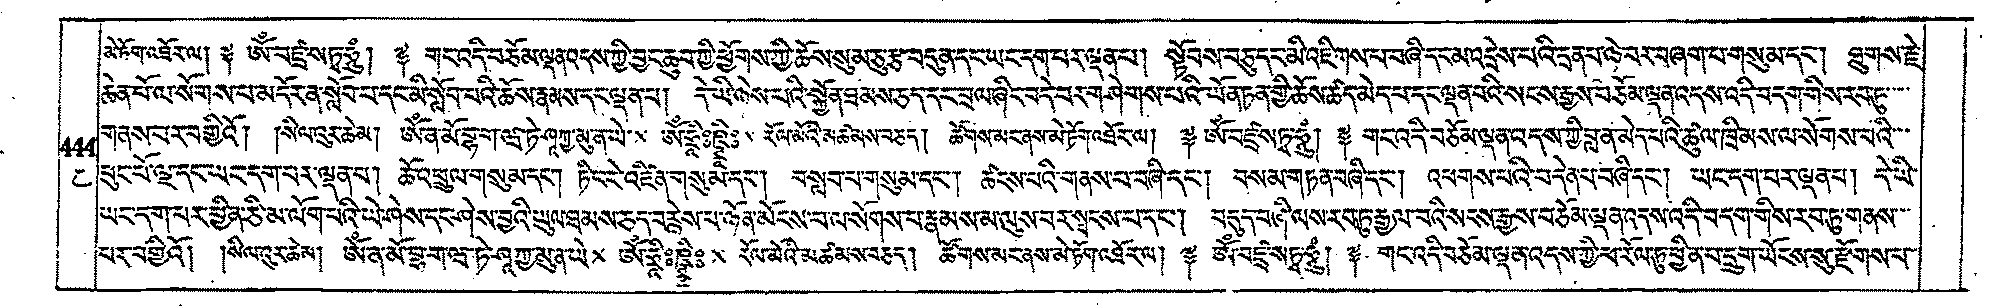མེ་ཏོག་འཐོར་ལ། འ་ཨོཾ་བཛྲ་སཏྭ་ཧཱུཾ། འ་གང་འདི་བཅོམ་ལྡན་འདས་ཀྱི་བྱང་ཆུབ་ཀྱི་ཕྱོགས་ཀྱི་ཆོས་སུམ་ཅུ་རྩ་བདུན་དང་ཡང་དག་པར་ལྡན་པ། སྟོབས་བཅུ་དང་མི་འཇིགས་པ་བཞི་དང་མ་འདེས་པའི་དྲན་པ་ཉེ་བར་བཞག་པ་གསུམ་དང་། ཐུགས་རྗེ་
ཆེན་པོ་ལ་སོགས་པ་མདོར་ན་སློབ་པ་དང་མི་སློབ་པའི་ཆོས་རྣམས་དང་ལྡན་པ། དེ་ཡི་ཉེས་པའི་སྐྱོན་ཐམས་ཅད་དང་བྲལ་ཞིང་བདེ་བར་གཤེགས་པར་ཡོན་ཏན་གྱི་ཆོས་ཚད་མེད་པ་དང་ལྡན་པའི་སངས་རྒྱས་བཅོམ་ལྡན་འདས་འདི་བདག་གིས་རབ་ཏུ་
གནས་པར་བགྱིའོ། །སིལ་འུར་ཆེམ།  ཨོཾ་ན་མོ་བྷ་ག་ཝ་ཏེ་ཤཱཀྱ་མུ་ན་ཡེ་྾་ཨོཾ་ཧྲཱིཿཥྚྲཱིཿ ྾་རོལ་མོའི་མཚམས་བཅད། ཚོགས་མང་ནས་མེ་ཏོག་འཐོར་ལ།  འ་ཨོཾ་བཛྲ་སཏྭ་ཧཱུཾ། འ་གང་འདི་བཅོམ་ལྡན་འདས་ཀྱི་བླ་ན་མེད་པའི་ཚུལ་ཁྲིམས་ལ་སོགས་པའི་
ཕུང་པོ་ལྔ་དང་ཡང་དག་པར་ལྡན་པ། ཆོ་འཕྲུལ་གསུམ་དང་། ཏིང་ངེ་འཛིན་གསུམ་དང་། བསླབ་པ་གསུམ་དང་། ཚངས་པའི་གནས་པ་བཞི་དང་། བསམ་གཏན་བཞི་དང་། འཕགས་པའི་བདེན་པ་བཞི་དང་། ཡང་དག་པར་ལྡན་པ། དེ་ཡི་
ཡང་དག་པར་ཕྱིན་ཅི་མ་ལོག་པའི་ཡེ་ཤེས་དང་ཤེས་བྱའི་ཡུལ་ཐམས་ཅད་བརྙེས་པ་ཉོན་མོངས་པ་ལ་སོགས་པ་རྣམས་མ་ལུས་པར་སྤངས་པ་དང་། བདུད་བཞི་ལས་རབ་ཏུ་རྒྱལ་བའི་སངས་རྒྱས་བཅོམ་ལྡན་འདས་འདི་བདག་གིས་རབ་ཏུ་གནས་
པར་བགྱིའོ། །སིལ་འུར་ཆེམ།  ཨོཾ་ན་མོ་བྷ་ག་ཝ་ཏེ་ཤཱཀྱ་མུ་ན་ཡེ་྾་ཨོཾ་ཧྲཱིཿཥྚྲཱིཿ ྾་རོལ་མོའི་མཚམས་བཅད། ཚོགས་མང་ནས་མེ་ཏོག་འཐོར་ལ།  འ་ཨོཾ་བཛྲ་སཏྭ་ཧཱུཾ། འ་གང་འདི་བཅོམ་ལྡན་འདས་ཀྱི་ཕ་རོལ་ཏུ་ཕྱིན་པ་དྲུག་ཡོངས་སུ་རྫོགས་པ་་་